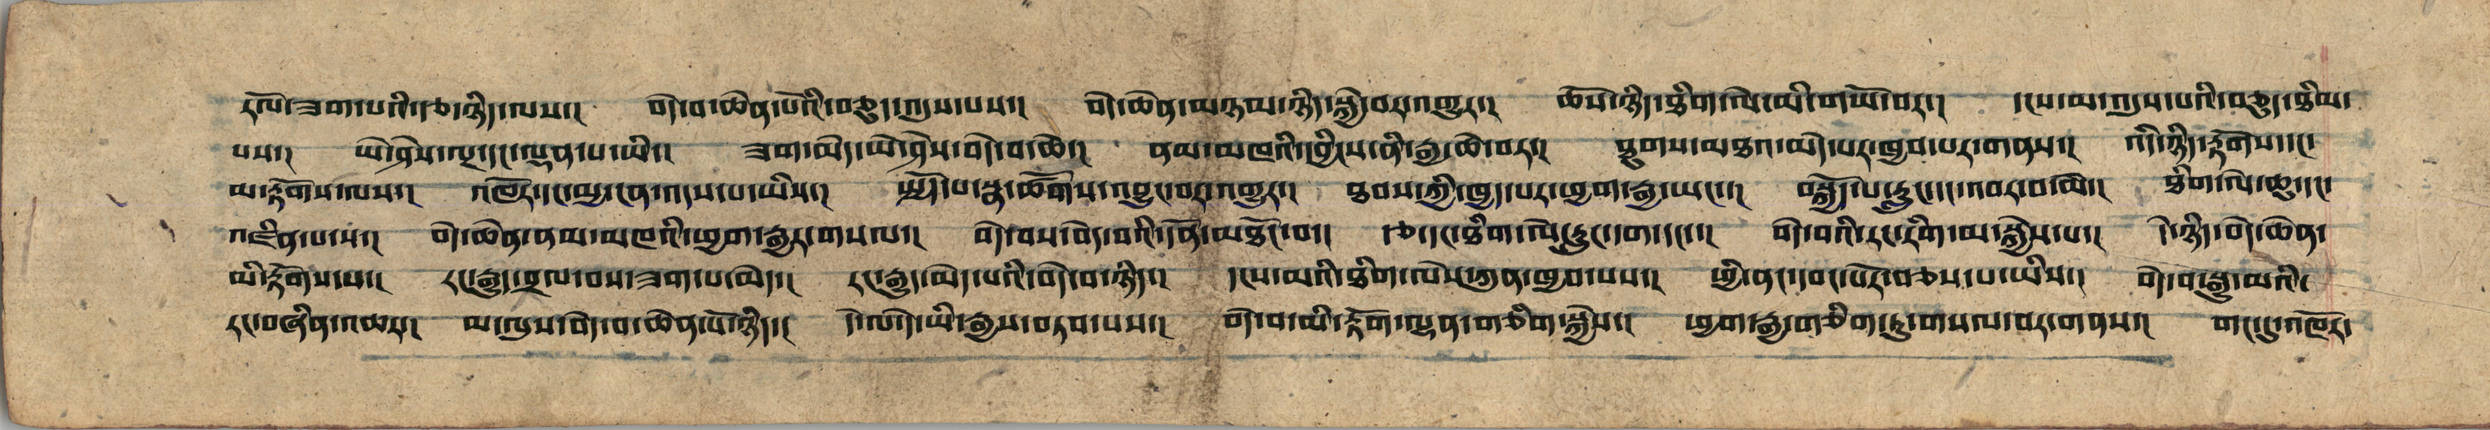རོལ་ཟག་པའི་རྩ་ཉིད་ལས་། བདེ་བ་ཆེན་པོའི་བཅུད་འདུས་པས་། བདེ་ཆེན་མཉམ་ཉིད་སྐྱེ་བར་འགྱུར་། ཆོས་ཉིད་ཐིག་ལེ་མི་གཡོ་བར་། དངས་མ་འདུས་པའི་བཅུད་ཐིམ་
པས་། ཡེ་ཤེས་ལྔ་དང་ལྡན་པ་ཡི་། ཟག་མེད་ཡེ་ཤེས་བདེ་བ་ཆེ་། ནམ་མཁའི་དབྱིངས་ནི་རྒྱ་ཆེ་བར་། ཐུགས་མཐའ་མེད་པར་ཁྱབ་པར་གནས་། འདི་ཉིད་རྟོགས་དང་
མ་རྟོགས་ལས་། འཁོར་དང་མྱ་ངན་འདས་པ་ཡིས་། སྤྱོད་པ་སྣ་ཚོགས་འབྱུང་བར་འགྱུར་། ཐབས་ཀྱི་ཁྱད་པར་ཕྱག་རྒྱ་ཡང་་། བསྐྱོད་པ་རླུང་དང་འབར་བ་མེ་། ཐིག་ལེ་ཆུ་དང་
འཛིན་པ་ས་། བདེ་ཆེན་ནམ་མཁའི་ཕྱག་རྒྱར་གསལ་། བདེ་བས་བདེ་བའི་དོན་མཐོང་བ་། རྩ་དང་ཐིག་ལེ་རླུང་དག་དང་་། བདེ་བའི་རང་རིག་མ་སྐྱེས་པ་། དེ་ཉིད་བདེ་ཆེན་
མི་རྟོགས་པ་། རང་རྒྱུད་བྲལ་བས་ཟག་པ་མེད་། རང་རྒྱུད་མེད་པའི་བདེ་བ་ཉིད་། དངས་མའི་ཐིག་ལེས་ཀུན་ཁྱབ་པས་། ཕྱི་ནང་དབང་པོར་བཅས་པ་ཡིས་། བདེ་བ་སྒྱུ་མའི་
རང་བཞིན་འཆར་། མ་ལུས་བདེ་བ་ཆེན་པོ་ཉིད་། དེ་ལ་དེ་ཡི་རྒྱས་བཏབ་པས་། བདེ་བ་མི་རྟོག་ལྷན་གཅིག་སྐྱེས་། ཕྱག་རྒྱ་གཅིག་ཏུ་གསལ་བར་གནས་། གང་དུ་འཁོར་